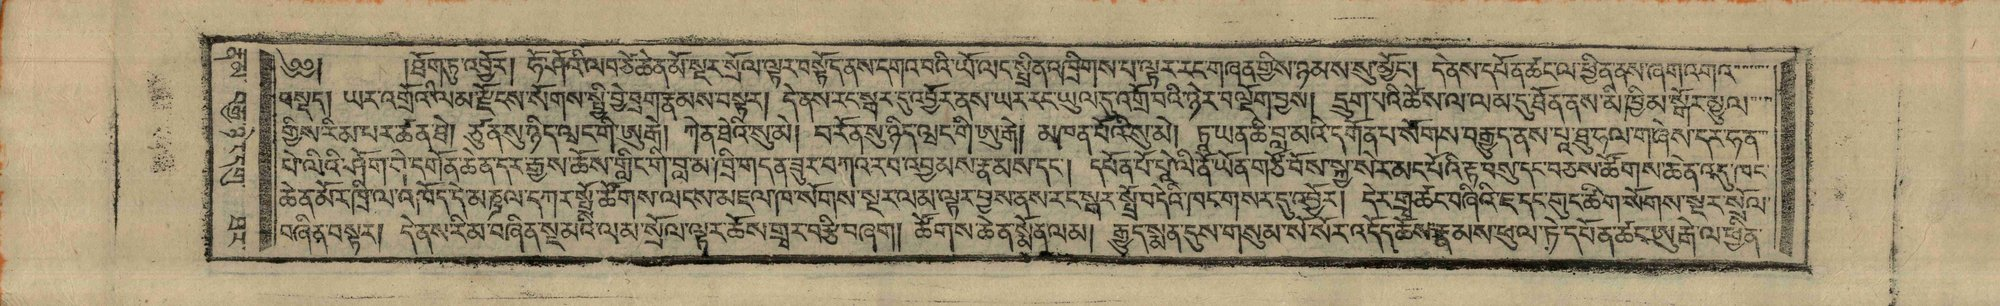༄༅། །ཐོག་ཏུ་འབྱོར། ཧོ་ཤོའི་ལབ་ཙེ་ཆེན་མོ་སྔར་སྲོལ་ལྟར་བསྟོད་ནས་དགའ་བའི་ཡོ་ལང་སྤྲིན་འཁྲིགས་པ་ལྟར་རང་གཞན་གྱིས་ཉམས་སུ་མྱོང་། དེ་ནས་དཔོན་ཚང་ལ་ཕྱིན་ནས་ཞག་འགའ་
བསྡད། ཡར་འགྲོའི་ལམ་རྫོངས་སོགས་སྤྱི་བྱེ་བྲག་རྣམས་བསྟར། དེ་ནས་རང་སྒར་དུ་འབྱོར་ནས་ཡར་རང་ཡུལ་དུ་འགྲོ་བའི་ཉེར་བལྡོག་བྱས། དྲུག་པའི་ཚེས་ལ་ལམ་དུ་ཐོན་ནས་མི་ཁྱིམ་སྒོར་མྱུལ་
གྱིས་རིམ་པར་ཚན་ཐེ། ཙུན་སུ་ཉིད་ལྭང་གི་ཨུརྒེ། ཀེན་ཐེའི་སུ་མེ། བ་རོན་སུ་ཉིད་ཝང་གི་ཨུརྒེ། མཁན་པོའི་སུ་མེ། ཏཱ་ཡན་ཆི་བླ་མའི་དགོན་པ་སོགས་བརྒྱུད་ནས་པཱ་ཐུ་ཧལ་ག་ཞེས་དར་ཧན་
པེ་ལིའི་ཤོག་གི་དགོན་ཆེན་དར་རྒྱས་ཆོས་གླིང་གི་བླ་མ་ཁྲི་གདན་ཟུར་བཀའ་རབ་འབྱམས་རྣམས་དང་། དཔོན་པོ་པE་ལི་ནོ་ཡོན་གཙོ་བོས་སྐྱ་སེར་མང་པོའི་རྟ་བསུ་དང་བཅས་ཚོགས་ཆེན་འདུ་ཁང་
ཆེན་མོར་ཁྲི་ལ་འཁོད་དེ་མཎྜལ་དཀར་སྤྲོ་ཚོགས་ལངས་མཇལ་ཁ་སོགས་སྔར་ལམ་ལྟར་བྱས་ནས་རང་སྒར་སྤྲོ་བདེའི་ཁང་གསར་དུ་འབྱོར། དེར་གྲྭ་ཚང་བཞིའི་ཇ་དང་གུང་ཚིག་སོགས་སྔར་སྲོལ་
བཞིན་བསྟར། དེ་ནས་རིམ་བཞིན་སྔ་མའི་ལམ་སྲོལ་ལྟར་ཆོས་གྲྭར་བརྩི་བཞག །ཚོགས་ཆེན་སྨོན་ལམ། རྒྱུད་སྨན་དུས་གསུམ་སོ་སོར་འདོད་ཆོས་རྣམས་ཕུལ་ཏེ་དཔོན་ཚང་ཨུརྒེ་ལ་ཕྱིན་